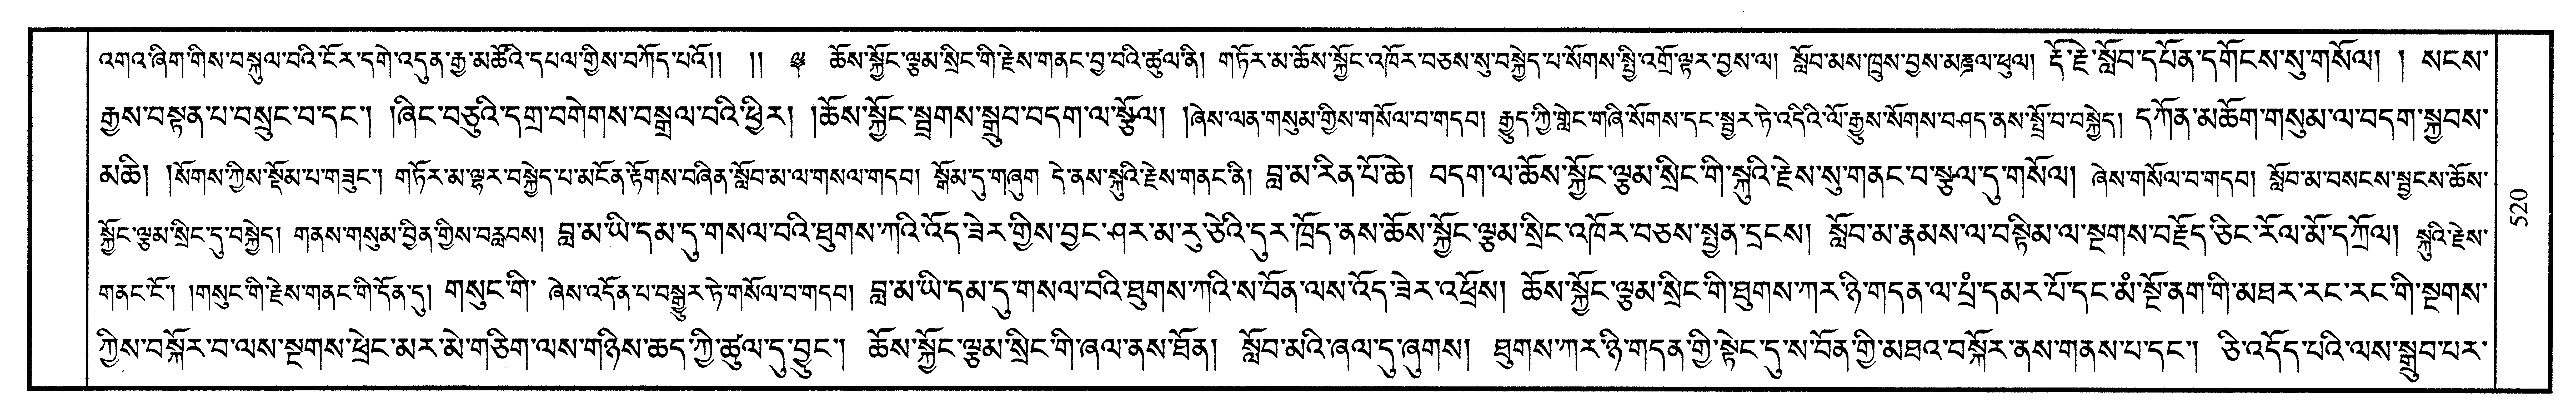འགའ་ཞིག་གིས་བསྐུལ་བའི་ངོར་དགེ་འདུན་རྒྱ་མཚོའི་དཔལ་གྱིས་བཀོད་པའོ།། །། ༈ ཆོས་སྐྱོང་ལྕམ་སྲིང་གི་རྗེས་གནང་བྱ་བའི་ཚུལ་ནི། གཏོར་མ་ཆོས་སྐྱོང་འཁོར་བཅས་སུ་བསྐྱེད་པ་སོགས་སྤྱི་འགྲོ་ལྟར་བྱས་ལ། སློབ་མས་ཁྲུས་བྱས་མཎྜལ་ཕུལ། རྡོ་རྗེ་སློབ་དཔོན་དགོངས་སུ་གསོལ། །སངས་
རྒྱས་བསྟན་པ་བསྲུང་བ་དང་། །ཞིང་བཅུའི་དགྲ་བགེགས་བསྒྲལ་བའི་ཕྱིར། །ཆོས་སྐྱོང་སྦྲགས་སྒྲུབ་བདག་ལ་སྩོལ། །ཞེས་ལན་གསུམ་གྱིས་གསོལ་བ་གདབ། རྒྱུད་ཀྱི་གླེང་གཞི་སོགས་དང་སྦྱར་ཏེ་འདིའི་ལོ་རྒྱུས་སོགས་བཤད་ནས་སྤྲོ་བ་བསྐྱེད། དཀོན་མཆོག་གསུམ་ལ་བདག་སྐྱབས་
མཆི། །སོགས་ཀྱིས་སྡོམ་པ་གཟུང་། གཏོར་མ་ལྷར་བསྐྱེད་པ་མངོན་རྟོགས་བཞིན་སློབ་མ་ལ་གསལ་གདབ། སྒོམ་དུ་གཞུག་དེ་ནས་སྐུའི་རྗེས་གནང་ནི། བླ་མ་རིན་པོ་ཆེ། བདག་ལ་ཆོས་སྐྱོང་ལྕམ་སྲིང་གི་སྐུའི་རྗེས་སུ་གནང་བ་སྩལ་དུ་གསོལ། ཞེས་གསོལ་བ་གདབ། སློབ་མ་བསངས་སྦྱངས་ཆོས་
སྐྱོང་ལྕམ་སྲིང་དུ་བསྐྱེད། གནས་གསུམ་བྱིན་གྱིས་བརླབས། བླ་མ་ཡི་དམ་དུ་གསལ་བའི་ཐུགས་ཀའི་འོད་ཟེར་གྱིས་བྱང་ཤར་མ་རུ་ཙེའི་དུར་ཁྲོད་ནས་ཆོས་སྐྱོང་ལྕམ་སྲིང་འཁོར་བཅས་སྤྱན་དྲངས། སློབ་མ་རྣམས་ལ་བསྟིམ་ལ་སྔགས་བརྗོད་ཅིང་རོལ་མོ་དཀྲོལ། སྐུའི་རྗེས་
གནང་ངོ། །གསུང་གི་རྗེས་གནང་གི་དོན་དུ། གསུང་གི་ཞེས་འདོན་པ་བསྒྱུར་ཏེ་གསོལ་བ་གདབ། བླ་མ་ཡི་དམ་དུ་གསལ་བའི་ཐུགས་ཀའི་ས་བོན་ལས་འོད་ཟེར་འཕྲོས། ཆོས་སྐྱོང་ལྕམ་སྲིང་གི་ཐུགས་ཀར་ཉི་གདན་ལ་པྲཾ་དམར་པོ་དང་མཾ་སྔོ་ནག་གི་མཐར་རང་རང་གི་སྔགས་
ཀྱིས་བསྐོར་བ་ལས་སྔགས་ཕྲེང་མར་མེ་གཅིག་ལས་གཉིས་ཆད་ཀྱི་ཚུལ་དུ་བྱུང་། ཆོས་སྐྱོང་ལྕམ་སྲིང་གི་ཞལ་ནས་ཐོན། སློབ་མའི་ཞལ་དུ་ཞུགས། ཐུགས་ཀར་ཉི་གདན་གྱི་སྟེང་དུ་ས་བོན་གྱི་མཐའ་བསྐོར་ནས་གནས་པ་དང་། ཅི་འདོད་པའི་ལས་སྒྲུབ་པར་